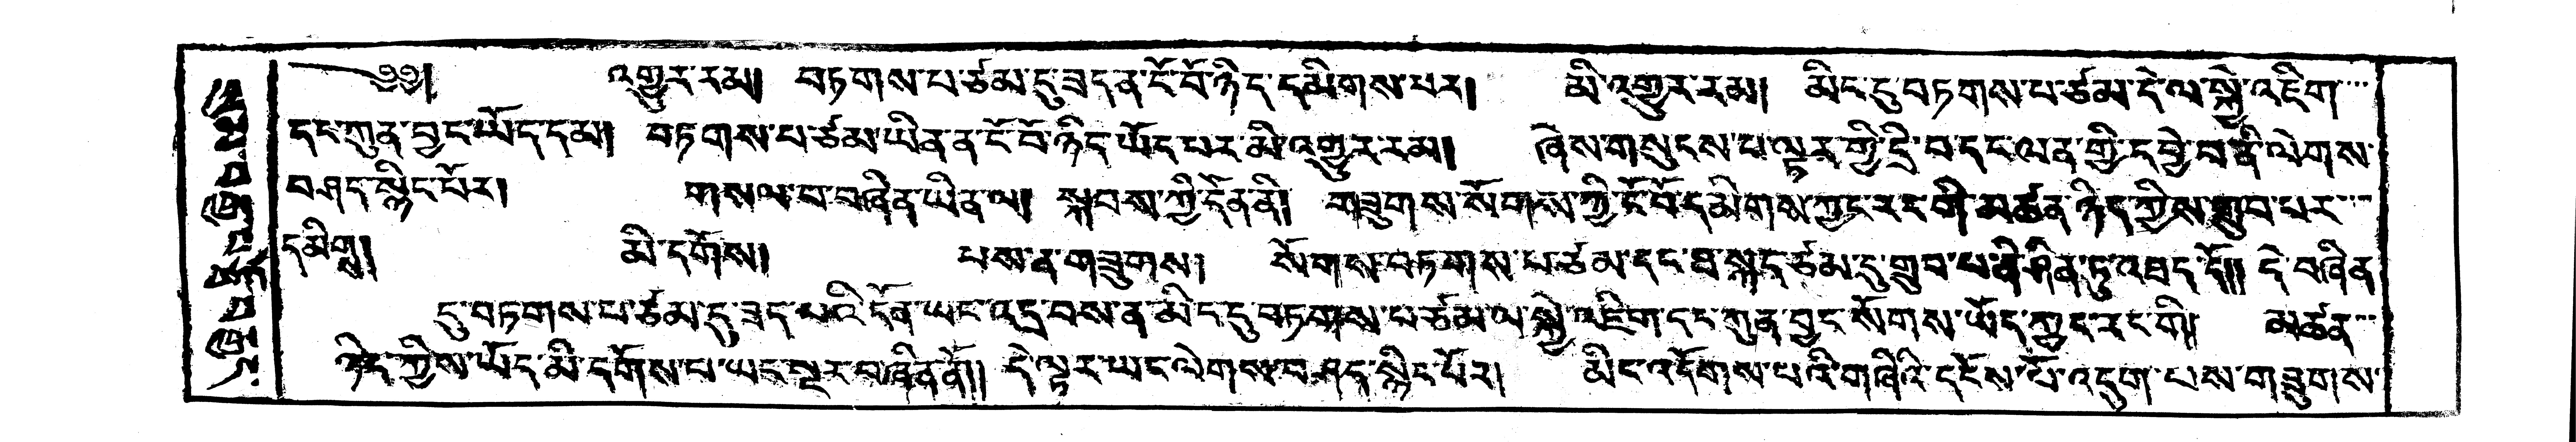༄༅། །འགྱུར་རམ། བཏགས་པ་ཙམ་དུ་ཟད་ན་ངོ་བོ་ཉིད་དམིགས་པར། མི་འགྱུར་རམ། མིང་དུ་བཏགས་པ་ཙམ་དེ་ལ་སྐྱེ་འཇིག་
དང་ཀུན་བྱང་ཡོད་དམ། བཏགས་པ་ཙམ་ཡིན་ན་ངོ་བོ་ཉིད་ཡོད་པར་མི་འགྱུར་རམ། ཞེས་གསུངས་པ་ལྟར་གྱི་དྲི་བ་དང་ལན་གྱི་དབྱེ་བ་ནི་ལེགས་
བཤད་སྙིང་པོར། གསལ་བ་བཞིན་ཡིན་ལ། སྐབས་ཀྱི་དོན་ནི། གཟུགས་སོགས་ཀྱི་ངོ་བོ་དམིགས་ཀྱང་རང་གི་མཚན་ཉིད་ཀྱིས་གྲུབ་པར་
དམིགས། མི་དགོས། པས་ན་གཟུགས། སོགས་བཏགས་པ་ཙམ་དང་ཐ་སྙད་ཙམ་དུ་གྲུབ་པ་ནི་ཤིན་ཏུ་འཐད་དོ། །དེ་བཞིན་
དུ་བཏགས་པ་ཙམ་དུ་ཟད་པའི་དོན་ཡང་འདྲ་བས་ན་མིང་དུ་བཏགས་པ་ཙམ་ལ་སྐྱེ་འཇིག་དང་ཀུན་བྱང་སོགས་ཡོད་ཀྱང་རང་གི། མཚན་
ཉིད་ཀྱིས་ཡོད་མི་དགོས་པ་ཡང་སྔར་བཞིན་ནོ། །དེ་ལྟར་ཡང་ལེགས་བཤད་སྙིང་པོར། མིང་འདོགས་པའི་གཞིའི་དངོས་པོ་འདུག་པས་གཟུགས་